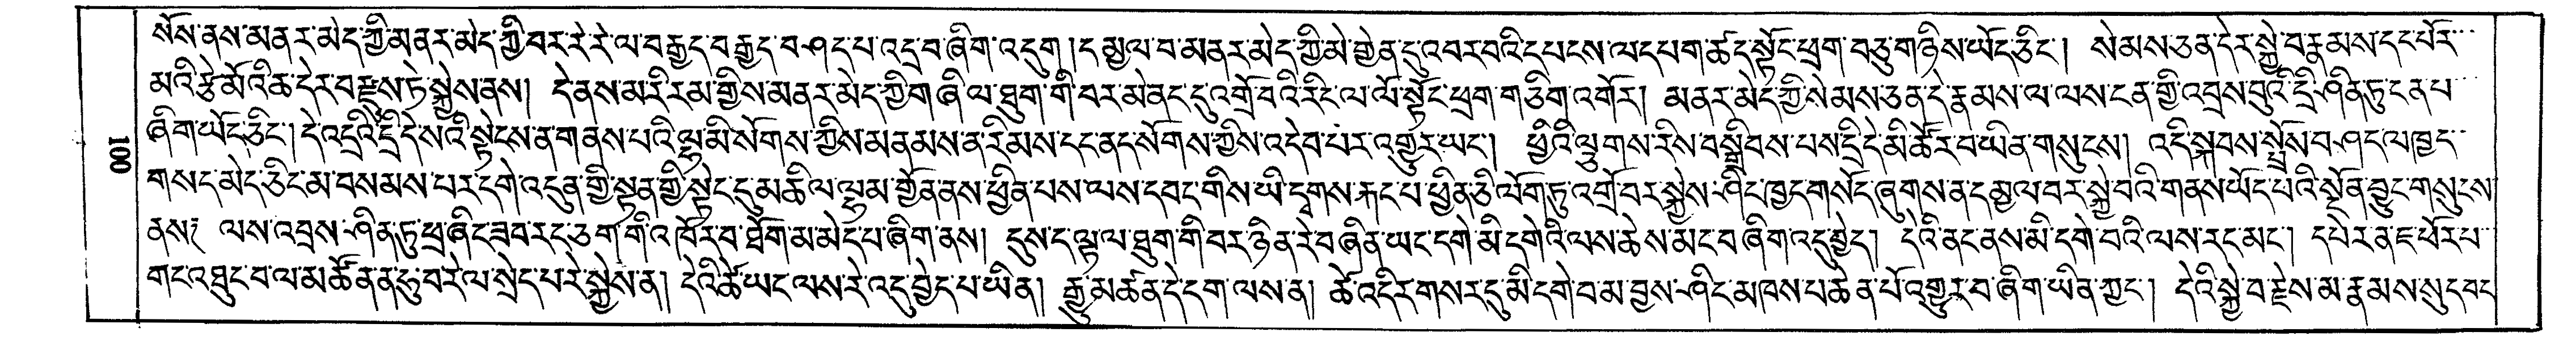སོས་ནས་མནར་མེད་ཀྱི་མནར་མེད་ཀྱི་བར་རེ་རེ་ལ་བརྒྱད་བརྒྱད་བཤད་པ་འདྲ་བ་ཞིག་འདུག། དམྱལ་བ་མནར་མེད་ཀྱི་མེ་གྱེན་དུ་འབར་བའི་དཔངས་ལ་དཔག་ཚད་སྟོང་ཕྲག་བཅུ་གཉིས་ཡོད་ཅིང་། སེམས་ཅན་དེར་སྐྱེ་བ་རྣམས་དང་པོར་
མེའི་རྩེ་མོའི་ཆ་དེར་བརྫུས་ཏེ་སྐྱེས་ནས། དེ་ནས་མར་རིམ་གྱིས་མནར་མེད་ཀྱི་གཞི་ལ་ཐུག་གི་བར་མེ་ནང་དུ་འགྲོ་བའི་རིང་ལ་ལོ་སྟོང་ཕྲག་གཅིག་འགོར། མནར་མེད་ཀྱི་སེམས་ཅན་དེ་རྣམས་ལ་ལས་ངན་གྱི་འབྲས་བུའི་དྲི་ཤིན་ཏུ་ངན་པ་
ཞིག་ཡོད་ཅིང་། དེ་འདྲའི་དྲི་དེ་སའི་སྟེངས་ན་གནས་པའི་ལྷ་མི་སོགས་ཀྱིས་མནམས་ན་རིམས་དང་ནད་སོགས་ཀྱིས་འདེབ་པར་འགྱུར་ཡང་། ཕྱིའི་ལྕགས་རིས་བསྒྲིབས་པས་དྲི་དེ་མི་ཚོར་བ་ཡིན་གསུངས། འདི་སྐབས་སྤྲོས་བཤད་ལ་ཁྱད་
གསོད་མེད་ཅིང་མ་བསམས་པར་དགེ་འདུན་གྱི་སྟན་གྱི་སྟེང་དུ་མཆིལ་ལྷམ་གྱོན་ནས་ཕྱིན་པས་ལས་དབང་གིས་ཡི་དྭགས་རྐང་པ་ཕྱིན་ཅི་ལོག་ཏུ་འགྲོ་བར་སྐྱེས་ཤིང་ཁྱད་གསོད་ཞུགས་ན་དམྱལ་བར་སྐྱེ་བའི་གནས་ཡོད་པའི་སྔོན་བྱུང་གསུངས་
ནས༑ ལས་འབྲས་ཤིན་ཏུ་ཕྲ་ཞིང་ཟབ་རང་ཅག་གི་འཁོར་བ་ཐོག་མ་མེད་བ་ཞིག་ནས། དུས་ད་ལྟ་ལ་ཐུག་གི་བར་ཉིན་རེ་བཞིན་ཡང་དགེ་མི་དགེའི་ལས་ཆེས་མང་བ་ཞིག་འདུ་བྱེད། དེའི་ནང་ནས་མི་དགེ་བའི་ལས་རང་མང་། དཔེར་ན་ཇ་ཕོར་པ་
གང་འཐུང་བ་ལ་མཚོན་ན་ཧུ་བ་རེ་ལ་སྲེད་པ་རེ་སྐྱེས་ན། དེའི་ཚེ་ཡང་ལས་རེ་འདུ་བྱེད་པ་ཡིན། རྒྱུ་མཚན་དེ་དག་ལས་ན། ཚེ་འདིར་གསར་དུ་མི་དགེ་བ་མ་བྱས་ཤིང་མཁས་པ་ཆེན་པོར་གྱུར་པ་ཞིག་ཡིན་ཀྱང་། དེའི་སྐྱེ་བ་རྗེས་མ་རྣམས་སུ་དབང་